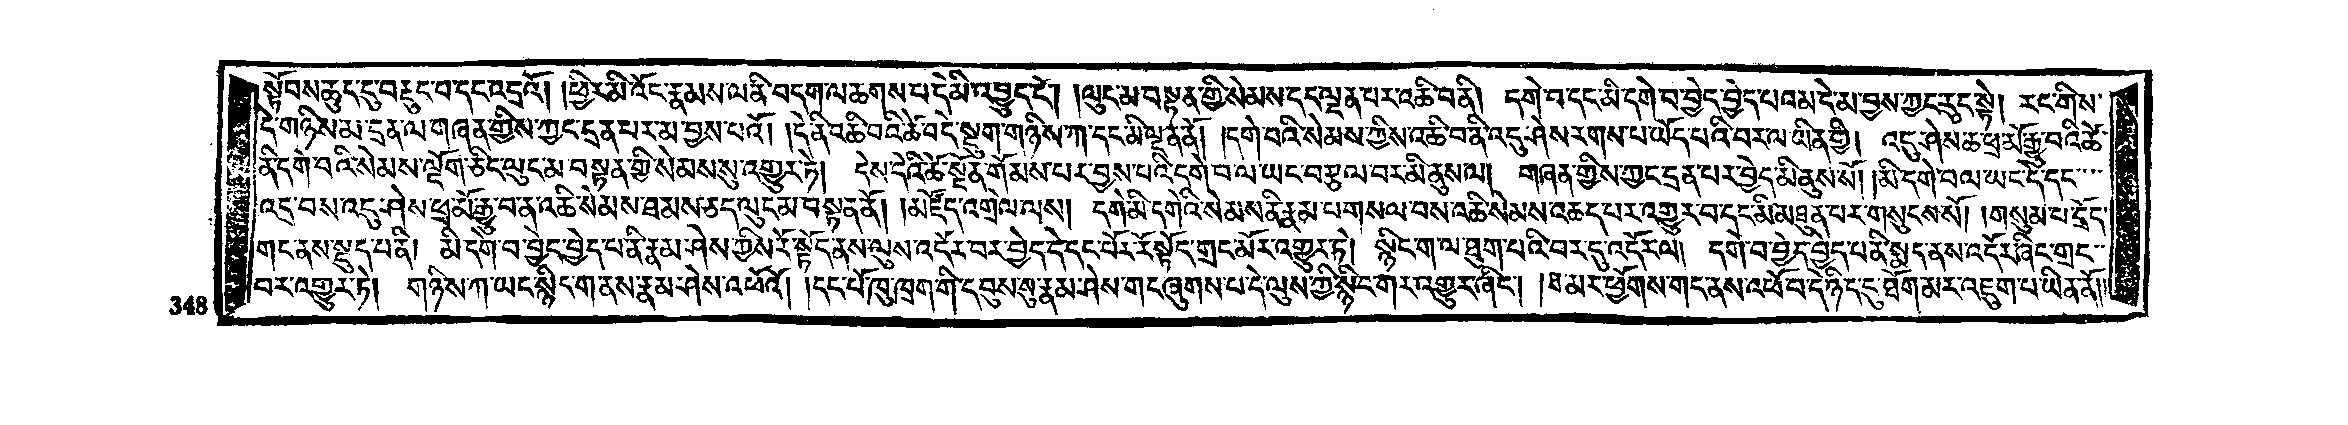སྟོབས་ཆུང་ངུ་བརྡུང་བ་དང་འདྲའོ། །ཕྱིར་མི་འོང་རྣམས་ལ་ནི་བདག་ལ་ཆགས་པ་དེ་མི་འབྱུང་ངོ། །ལུང་མ་བསྟན་གྱི་སེམས་དང་ལྡན་པར་འཆི་བ་ནི། དགེ་བ་དང་མི་དགེ་བ་བྱེད་བྱེད་པའམ་དེ་མ་བྱས་ཀྱང་རུང་སྟེ། རང་གིས་
དེ་གཉིས་མ་དྲན་ལ་གཞན་གྱིས་ཀྱང་དྲན་པར་མ་བྱས་པའོ། །དེ་ནི་འཆི་བའི་ཚེ་བདེ་སྡུག་གཉིས་ཀ་དང་མི་ལྡན་ནོ། །དགེ་བའི་སེམས་ཀྱིས་འཆི་བ་ནི་འདུ་ཤེས་རགས་པ་ཡོད་པའི་བར་ལ་ཡིན་གྱི། འདུ་ཤེས་ཆ་ཕྲ་མོ་རྒྱུ་བའི་ཚེ་
ནི་དགེ་བའི་སེམས་ལྡོག་ཅིང་ལུང་མ་བསྟན་གྱི་སེམས་སུ་འགྱུར་ཏེ། དེས་དེའི་ཚེ་སྔོན་གོམས་པར་བྱས་པའི་དགེ་བ་ལ་ཡང་བརྩལ་བར་མི་ནུས་ལ། གཞན་གྱིས་ཀྱང་དྲན་པར་བྱེད་མི་ནུས་སོ། །མི་དགེ་བ་ལ་ཡང་དེ་དང་
འདྲ་བས་འདུ་ཤེས་ཕྲ་མོ་རྒྱུ་བ་ན་འཆི་སེམས་ཐམས་ཅད་ལུང་མ་བསྟན་ནོ། །མཛོད་འགྲེལ་ལས། དགེ་མི་དགེའི་སེམས་ནི་རྣམ་པ་གསལ་བས་འཆི་སེམས་འཆད་པར་འགྱུར་བ་དང་མི་མཐུན་པར་གསུངས་སོ། །གསུམ་པ་དྲོད་
གང་ནས་སྡུད་པ་ནི། མི་དགེ་བ་བྱེད་བྱེད་པ་ནི་རྣམ་ཤེས་ཀྱིས་རོ་སྟོད་ནས་ལུས་འདོར་བར་བྱེད་དེ་དང་པོར་རོ་སྟོད་གྲང་མོར་འགྱུར་ཏེ། སྙིང་ག་ལ་ཐུག་པའི་བར་དུ་འདོར་ལ། དགེ་བ་བྱེད་བྱེད་པ་ནི་སྨད་ནས་འདོར་ཞིང་གྲང་
བར་འགྱུར་ཏེ། གཉིས་ཀ་ཡང་སྙིང་ག་ནས་རྣམ་ཤེས་འཕོའོ། །དང་པོ་ཁུ་ཁྲག་གི་དབུས་སུ་རྣམ་ཤེས་གང་ཞུགས་པ་དེ་ལུས་ཀྱི་སྙིང་གར་འགྱུར་ཞིང་། ཐ་མར་ཕྱོགས་གང་ནས་འཕོ་བ་དེ་ཉིད་དུ་ཐོག་མར་འཇུག་པ་ཡིན་ནོ། །